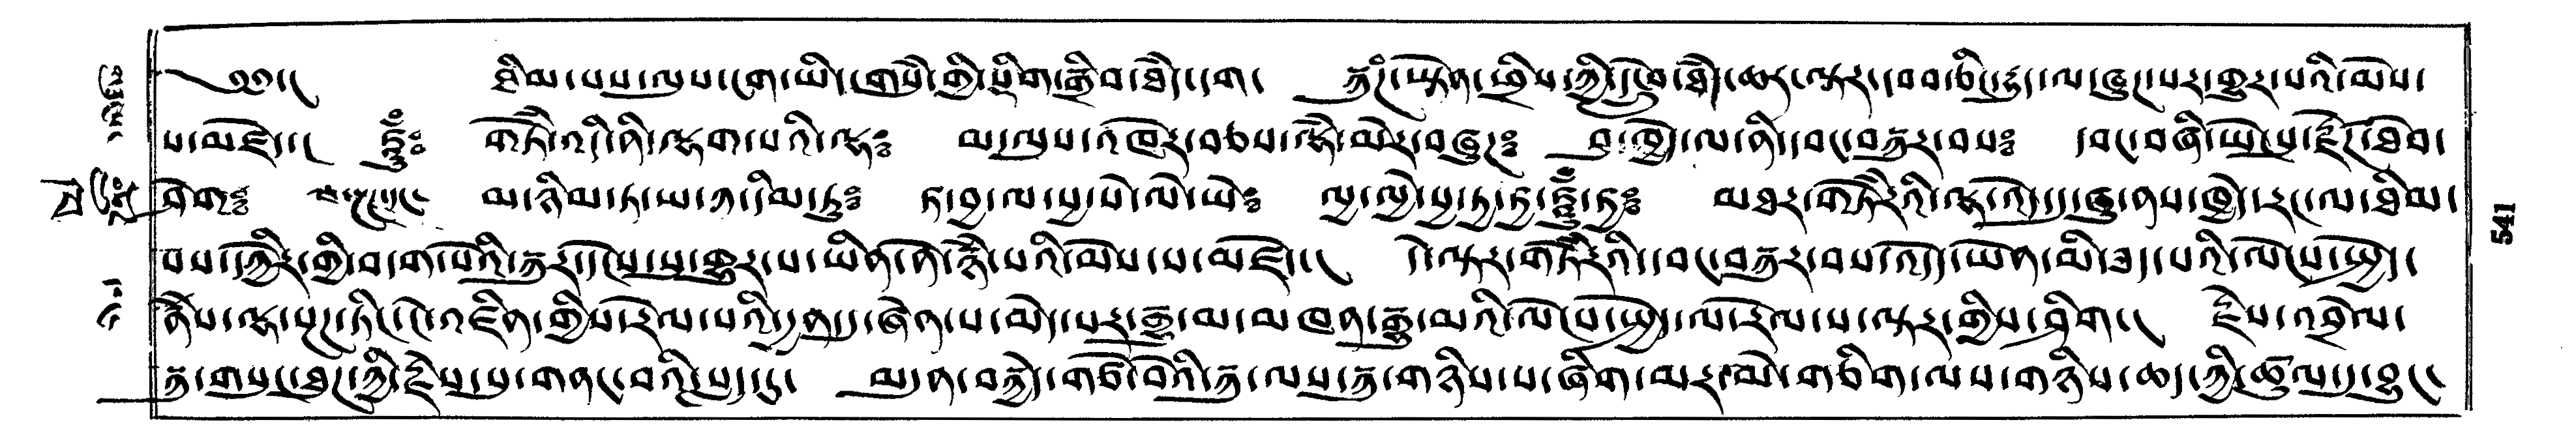ཐིམ་པས་ལུས་ངག་ཡིད་གསུམ་གྱི་སྡིག་སྒྲིབ་ཐམས་ཅད་དག སྐུ་གསུང་ཐུགས་ཡོན་ཏན་ཕྲིན་ལས་ཀྱི་དངོས་གྲུབ་ཐམས་ཅད་ཆར་ལྟར་དབབ་ཅིང་རྒྱུད་ལ་ཞུགས་པར་གྱུར་པའི་མོས་
པ་མཛོད། ཧཱུྃ༔ གཏོར་མ་འདི་ནི་ལྷག་པའི་ལྷ༔ མ་ལུས་འཁོར་བཅས་ལྷམ་མེར་བཞུགས༔ བུ་ཁྱོད་ལ་ནི་དབང་བསྐུར་བས༔ དབང་བཞི་ཡོངས་སུ་རྫོགས་ཐོབ་
ཤོག༔ རྩ་སྔགས་དང་། མ་ཉིམ་ཏ་ཡ་ཀ་དིམ་ཏུ༔ ཏ་བྱ་ལ་པྱ་སེ་ལེ་ཡེ། ལྱ་ལྱེ་པྱ་ཏྱ་ཧྱ་ཧཱུྃ་ཧྱ༔ མཐར་གཏོར་མའི་ལྷ་འོད་དུ་ཞུ་ནས་ཁྱེད་རང་ལ་ཐིམ་
པས་དཀྱིལ་འཁོར་གྱི་བདག་པོའི་སྐུར་དངོས་སུ་གྱུར་པ་ཡིན་ནོ་སྙམ་པའི་མོས་པ་མཛོད། དེ་ལྟར་གཏོར་མའི་དབང་བསྐུར་བས་འདོད་ཡོན་མི་ཟད་པའི་ལོངས་སྤྱོད་
རྣམས་ལྷ་སྔགས་ཏིང་ངེ་འཛིན་གྱིས་རོལ་པའི་རྒྱན་དུ་ཞེན་པ་མེད་པར་སྒྱུ་མ་མཁན་སྒྱུ་མའི་ལོངས་སྤྱོད་ལ་རོལ་པ་ལྟར་གྱིས་ཤིག རྗེས་འབྲེལ་
སྐུ་གསུང་ཐུགས་ཀྱི་རྗེས་སུ་གནང་བའི་སླད་དུ།མདུན་བསྐྱེད་གཙོ་བོའི་སྐུ་ལས་སྐུ་གཉིས་པ་ཞིག་མར་མེ་གཅིག་ལས་གཉིས་ཆད་ཀྱི་ཚུལ་དུ་བྱུང་